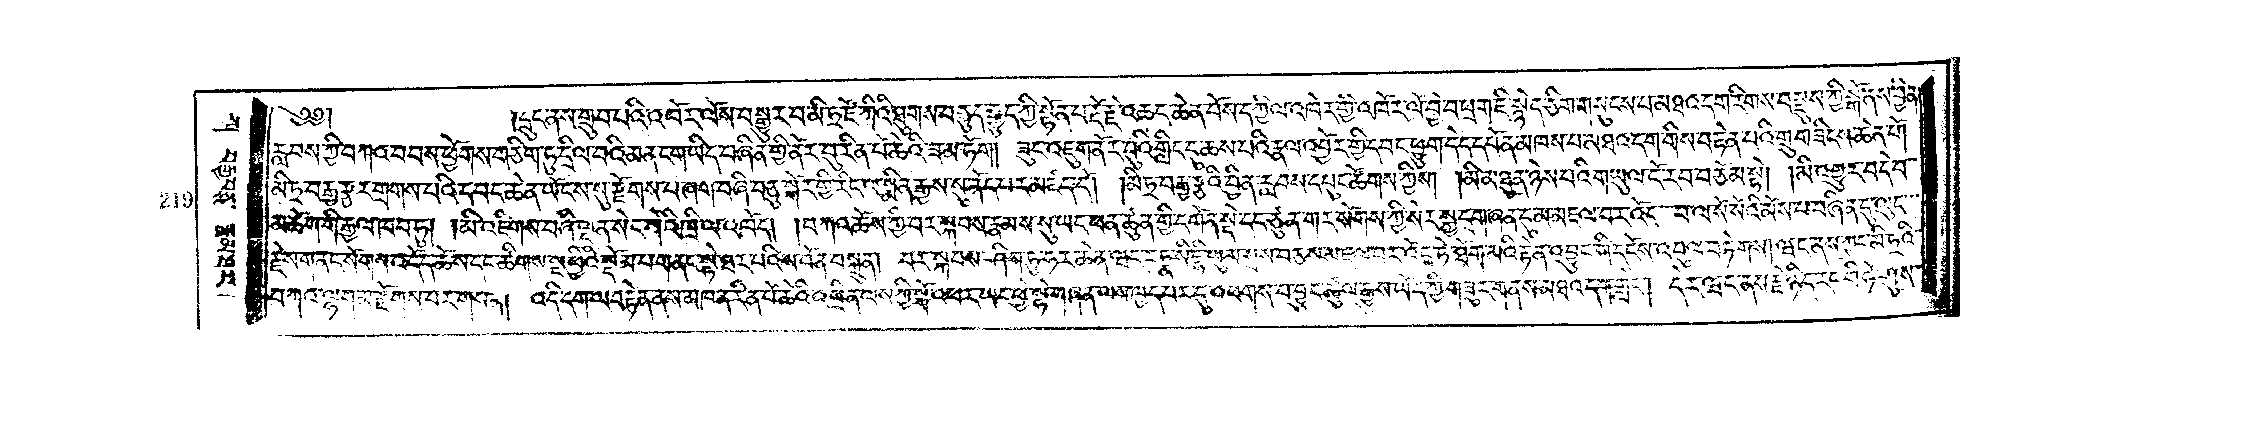༄༅། །དྲུང་ནས་གྲུབ་པའི་འཁོར་ལོས་བསྒྱུར་བ་མི་ཏྲ་ཛོ་ཀིའི་ཐུགས་བཅུད་རྒྱུད་ཀྱི་སྟོན་པ་རྡོ་རྗེ་འཆང་ཆེན་པོས་དཀྱིལ་འཁོར་གྱི་འཁོར་ལོ་བྱེ་བ་ཕྲག་ཇི་སྙེད་ཅིག་གསུངས་པ་མཐའ་དག་རིགས་བསྡུས་ཀྱི་སྒོ་ནས་བྱིན་
རླབས་ཀྱི་བཀའ་བབས་ཕྱོགས་གཅིག་ཏུ་དྲིལ་བའི་མན་ངག་ཡིད་བཞིན་གྱི་ནོར་བུ་རིན་པོ་ཆེའི་ཟ་མ་ཏོག། ཟུང་འཇུག་ནོར་བུའི་གླིང་དུ་ཆས་པའི་རྣལ་འབྱོར་གྱི་དབང་ཕྱུག་དེད་དཔོན་མཁས་པ་མཐའ་དག་གིས་བརྟེན་ཕའི་གྲུ་གཟིངས་ཆེན་པོ།
མི་ཏྲ་བརྒྱ་རྩར་གྲགས་པའི་དབང་ཆེན་ཡོངས་སུ་རྫོགས་བཞག་བཞི་བཅུ་སྐོར་གྱི་རིང་ལ་སྨིན་རྒྱས་སུ་ནོད་པར་མཛད་དོ། །མི་ཏྲ་བརྒྱ་རྩའི་བྱིན་རླབས་དཔུང་ཚོགས་ཀྱིས། །མི་མཐུན་ཉེས་པའི་གཡུལ་དོ་རབ་བཅོམ་སྟེ། །མི་འགྱུར་བདེ་པ་
མཆོག་གི་རྒྱལ་ཁབ་ཏུ། །མི་འཇིགས་བཞི་ལྡན་སེང་གེའི་ཁྲིལ་འཁོད། །བཀའ་ཆོས་ཀྱི་བར་སྐབས་རྣམས་སུ་ཡང་ཕན་ཚུན་གྱི་དགོན་སྡེ་དང་ཙུན་གང་སོགས་ཀྱི་སེར་སྐྱ་དྲག་ཞན་དུ་མ་མཇལ་བར་འོང་བ་ལ་སོ་སོའི་མོས་པ་བཞིན་དུ་ལུང་
རྗེས་གནང་སོགས་འདོད་ཆོས་དང་ཚིགས་སྔ་ཕྱིའི་སྡོམ་པ་གནང་སྟེ་ཐར་པའི་ས་བོན་བསྐྲུན། པར་སྐབས་ཤིག་ཏུ་ཧར་ཆེན་ཝང་རཏྣ་སིདྷི་ཡུམ་སྲས་བཅས་མཇལ་བར་འོངས་ཏེ་ཐོག་མའི་རྟེན་འབྱུང་གི་དངོས་འབུལ་བཏེགས། ཝང་ནས་ཀྱང་མི་ཏྲའི་
བཀའ་ལྷག་མ་རྫོགས་པར་གསན། འདི་དག་ལ་བརྟེན་ནས་མཁན་རིན་པོ་ཆེའི་འཕྲིན་ལས་ཀྱི་སྒོ་འཕར་ཡང་ཕྱེ་སྟེ་གཞན་ལས་ཁྱད་པར་དུ་འཕགས་པ་བྱུང་ཚུལ་རྒྱུས་ཡོད་ཀྱི་གཟུང་གནས་མཐའ་དག་གླེང་། དེར་ཝང་ནས་རྗེ་ཉིད་རང་གི་ཧོ་ཤུས་